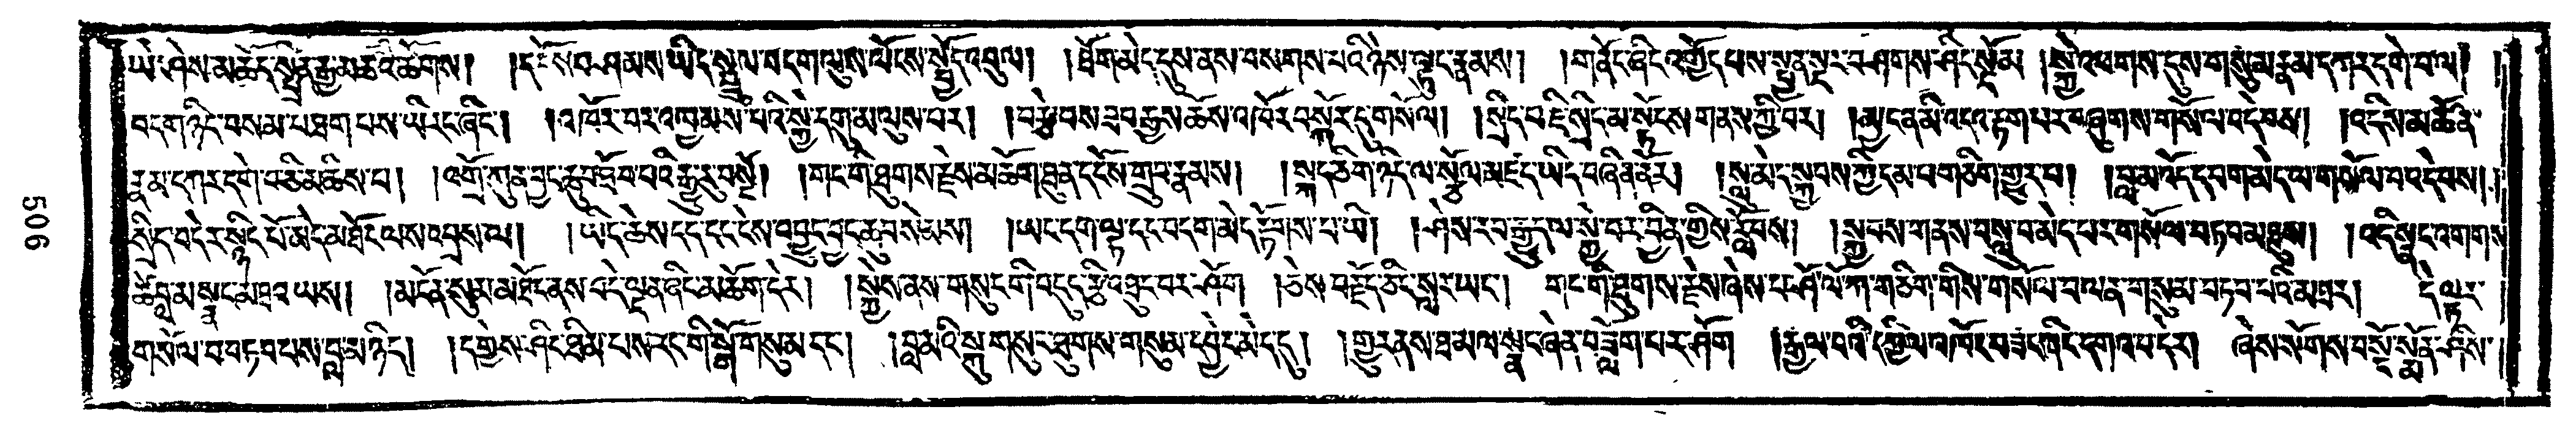ཡེ་ཤེས་མཆོད་སྤྲིན་རྒྱ་མཚོའི་ཚོགས། །དངོས་བཤམས་ཡིད་སྤྲུལ་བདག་ལུས་ལོངས་སྤྱོད་འབུལ། །ཐོག་མེད་དུས་ནས་བསགས་པའི་ཉེས་ལྟུང་རྣམས། །གནོང་ཞིང་འགྱོད་པས་སྤྱན་སྔར་བཤགས་ཤིང་སྡོམ། །སྐྱེ་འཕགས་དུས་གསུམ་རྣམ་དཀར་དགེ་བ་ལ། །
བདག་ཉིད་བསམ་པ་ཐག་པས་ཡི་རང་ཞིང་། །འཁོར་བར་འཁྱམས་པའི་སྐྱེ་དགུ་མ་ལུས་པར། །བརྩེ་བས་ཟབ་རྒྱས་ཆོས་འཁོར་བསྐོར་དུ་གསོལ། །སྲིད་བ་ཇི་སྲིད་མ་སྟོངས་གནས་ཀྱི་བར། །མྱ་ངན་མི་འདའ་རྟག་པར་བཞུགས་གསོལ་བ་འདེབས། །འདིས་མཚོན་
རྣམ་དཀར་དགེ་བ་ཅི་མཆིས་པ། །འགྲོ་ཀུན་བྱང་ཆུབ་ཐོབ་པའི་རྒྱུ་རུ་བསྔོ། །གང་གི་ཐུགས་རྗེས་མཆོག་ཐུན་དངོས་གྲུབ་རྣམས། །སྐད་ཅིག་ཉིད་ལ་སྩོལ་མཛད་ཡིད་བཞིན་ནོར། །སླུ་མེད་སྐྱབས་ཀྱི་དམ་པ་གཅིག་གྱུར་པ། །བླ་མ་འོད་དཔག་མེད་ལ་གསོལ་བ་འདེབས། །
སྲིད་བདེར་སྙིང་པོ་མེད་མཐོང་ལས་འབྲས་ལ། །ཡིད་ཆེས་དད་དང་ངེས་འབྱུང་བྱང་ཆུབ་སེམས། །ཡང་དག་ལྟ་དང་བདག་མེད་རྟོགས་པ་ཡི། །ཤེས་རབ་རྒྱུད་ལ་སྐྱེ་བར་བྱིན་གྱིས་རློབས། །སྐྱབས་གནས་བསླུ་བ་མེད་པར་གསོལ་བཏབ་མཐུས། །འདི་སྣང་འགགས་
ཚེ་བླ་མ་སྣང་མཐའ་ཡས། །མངོན་སུམ་མཐོང་ནས་བདེ་ལྡན་ཞིང་མཆོག་དེར། །སྐྱེས་ནས་གསུང་གི་བདུད་རྩི་འཐུང་བར་ཤོག །ཅེས་བརྗོད་ཅིང་སླར་ཡང་། །གང་གི་ཐུགས་རྗེས་ཞེས་པ་ཤོ་ལོ་ཀ་གཅིག་གིས་གསོལ་བ་ལན་གསུམ་བཏབ་པའི་མཐར། དེ་ལྟར་
གསོལ་བ་བཏབ་པས་བླ་མ་ཉིད། །དགྱེས་ཤིང་ཐིམ་པས་རང་གི་སྒོ་གསུམ་དང་། །བླ་མའི་སྐུ་གསུང་ཐུགས་གསུམ་དབྱེར་མེད་དུ། །གྱུར་ནས་ཐ་མལ་སྣང་ཞེན་བཟློག་པར་ཤོག །རྒྱལ་བའི་དཀྱིལ་འཁོར་བཟང་ཞིང་དགའ་བ་དེར། ཞེས་སོགས་བསྔོ་སྨོན་ཤིས་